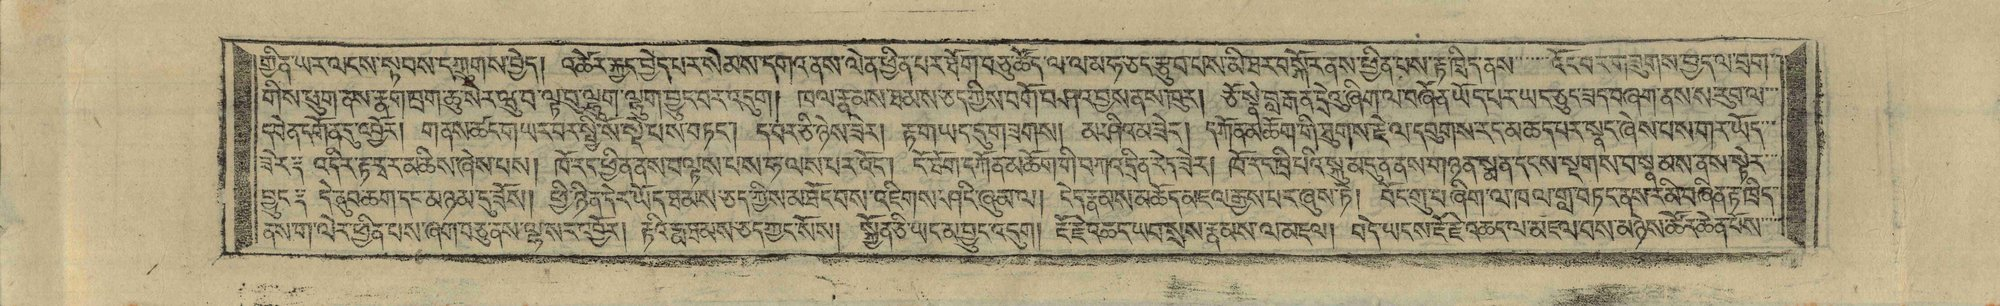གྱིན་ཡར་ལངས་སྟབས་དཀྲུགས་བྱེད། འཚེར་རྐྱད་བྱེད་པར་སེམས་དགའ་ནས་ལེན་ཕྱིན་པར་ཐོག་བཅུ་ཚོད་ལ་ལམ་ཧ་ཅང་རྩུབ་པས་མི་ཐར་བསྐོར་ནས་ཕྱིན་པས་རྟ་ཁྲིད་ནས་འོང་བར་གཟུགས་བྱད་ལ་བྲག་
གིས་ཕུག་ནས་རྣག་ཁྲག་ཆུ་སེར་ཝུ་བ་ལྟ་བུ་ལྷུག་ལྷུག་བྱུང་བར་འདུག །ཁལ་རྣམས་ཐམས་ཅད་ཀྱིས་བགོ་བཤའ་བྱས་ནས་ཁུར། ཅོ་སྣེ་བླ་རྒན་དྲེའུ་ཞིག་ལ་བཞོན་ཡོད་པར་ཡང་ཅུང་ཟད་བཞག་ནས་ས་རུབ་ལ་
དབེན་དགོན་དུ་འབྱོར། གནས་ཚང་གཡར་བར་སྤྱི་སོ་སྡེ་པས་བཏང་། ད་བར་ཅི་ཉེས་ཟེར། རྟ་གཡང་དུ་གཟགས། མ་ཤིའམ་ཟེར། དཀོན་མཆོག་གི་ཐུགས་རྗེ་ལ་དབུགས་རང་མ་ཆད་པར་སྣང་ཞེས་པས་གར་ཡོད་
ཟེར། འདིར་རྟ་རྭ་ར་མཆིས་ཞེས་པས། ཁོ་རང་ཕྱིན་ནས་བལྟས་པས་ཧ་ལས་པར་འོང་། ངོ་ཐོག་དཀོན་མཆོག་གི་བཀའ་དྲིན་རེད་ཟེར། ཁོ་རང་ཁྲི་པའི་སྐུ་མདུན་ནས་གཉན་སྨན་དང་ས་སྔགས་བསྣམས་ནས་སྟེར་
བྱུང་། དེ་ནུབ་ཆག་དང་མཉམ་དུ་ཟོས། ཕྱི་ཉིན་དེར་ཡོད་ཐམས་ཅད་ཀྱིས་མཐོང་བས་འཇིགས་ཤིང་ཞུམ་ལ། ངེད་རྣམས་མཆོད་མཇལ་རྒྱས་པར་ཞུས་ཏེ། བོང་གུ་བཞིག་ལ་ཁལ་གླ་བཏང་ནས་རིམ་བཞིན་རྟ་ཁྲིད་
ནས་ག་ལེར་ཕྱིན་པས་ཞག་བཅུ་ནས་ལྷ་སར་འབྱོར། རྟའི་རྨ་ཐམས་ཅད་ཀྱང་སོས། སྐྱོན་ཅི་ཡང་མ་བྱུང་འདུག །རྡོ་རྗེ་འཆང་ཡབ་སྲས་རྣམས་ལ་མཇལ། བདེ་ཡངས་རྡོ་རྗེ་འཆང་ལ་མཇལ་བས་མཉེས་ཚོར་ཆེན་པོས་